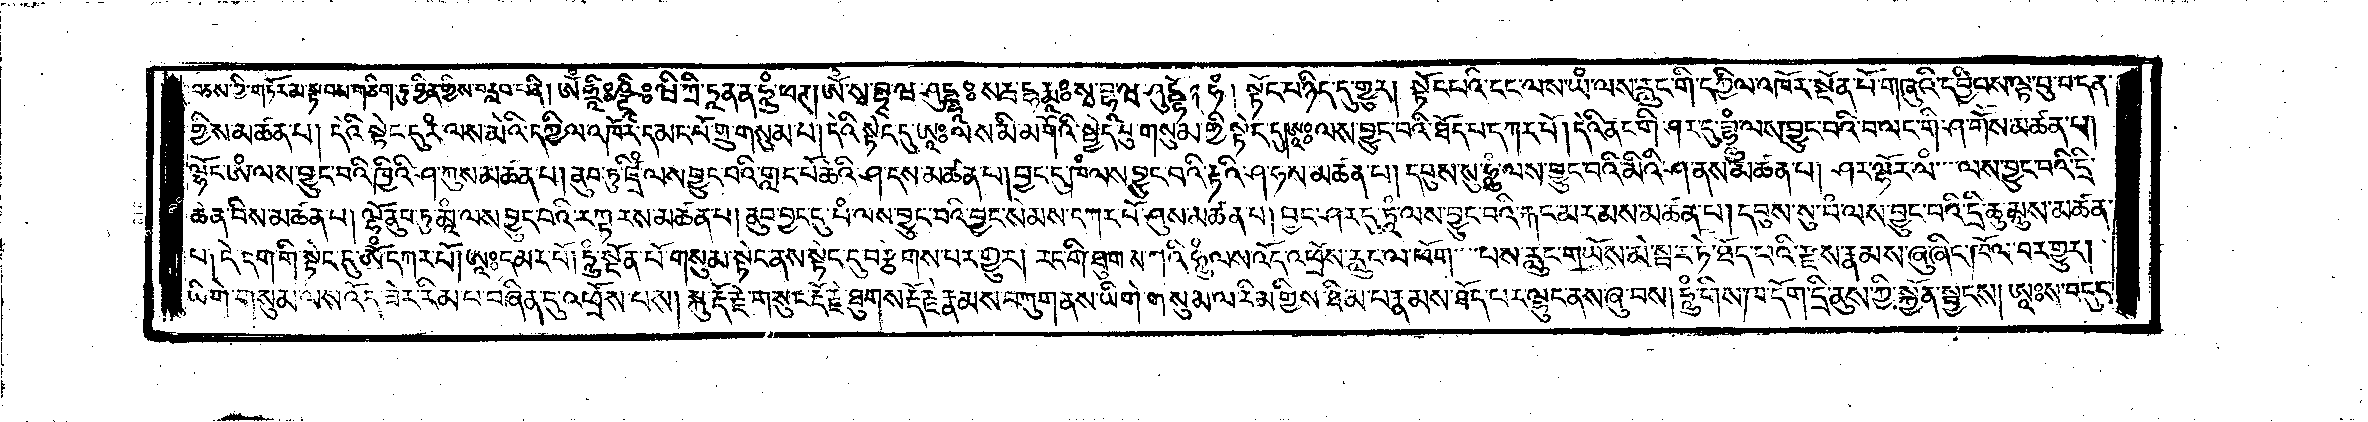བཅས་ཀྱི་གཏོར་མ་སྟབས་གཅིག་ཏུ་བྱིན་གྱིས་བརླབ་པ་ནི།  ཨོཾ་ཧྲཱིཿཥྚཱིཿཝི་ཀྲི་ཏཱ་ན་ན་ཧཱུཾ་ཕཊ། ཨོཾ་སྭ་བྷཱ་ཝ་ཤུདྡྷཿསརྦ་དྷ་རྨཱཿ སྭ་བྷ་ཝ་ཤུདྡྷོཿཧཾ། སྟོང་པ་ཉིད་དུ་གྱུར། སྟོང་པའི་ངང་ལས་ཡཾ་ལས་རླུང་གི་དཀྱིལ་འཁོར་སྔོན་པོ་གཞུའི་དབྱིབས་ལྟ་བུ་བདན་
གྱིས་མཚན་པ། དེའི་སྟེང་དུ་རཾ་ལས་མེའི་དཀྱིལ་འཁོར་དམང་པོ་གྲུ་གསུམ་པ། དེའི་སྟེང་དུ་ཨཱཿ ལས་མི་མགོའི་སྤྱོད་པུ་གསུམ་གྱི་སྟེང་དུ། ཨཱཿ ལས་བྱུང་བའི་ཐོད་པ་དཀར་པོ། དེའི་ནང་གི་ཤར་དུ་བྷཱུཾ་ལས་བྱུང་བའི་བ་ལང་གི་ཤ་གཽས་མཚན་པ།
ལྷོང་ཨཾ་ལས་བྱུང་བའི་ཁྱིའི་ཤ་ཀུས་མཚན་པ། ནུབ་ཏུ་ཛྲིཾ་ལས་བྱུང་བའི་གླང་པོ་ཆེའི་ཤ་དས་མཚན་པ། བྱང་དུ་ཁཾ་ལས་བྱུང་བའི་རྟའི་ཤ་ཧས་མཚན་པ། དབུས་སུ་ཧཱུཾ་ལས་བྱུང་བའི་མིའི་ཤ་ནས་མཚན་པ། ཤར་ལྷོར་ལཾ་ལས་བྱུང་བའི་དྲི་
ཆེན་བིས་མཚན་པ། ལྷོ་ནུབ་ཏུ་མཱཾ་ལས་བྱུང་བའི་རཀྟ་རས་མཚན་པ། ནུབ་བྱང་དུ་པཾ་ལས་བྱུང་བའི་བྱང་སེམས་དཀར་པོ་ཤུས་མཚན་པ། བྱང་ཤར་དུ་ཏཱཾ་ལས་བྱུང་བའི་རྐང་མར་མས་མཚན་པ། དབུས་སུ་བཾ་ལས་བྱུང་བའི་དྲི་ཆུ་མཱུས་མཚན་
པ༑ དེ་དག་གི་སྟེང་དུ་ཨོཾ་དཀར་པོ། ཨཱཿ དམར་པོ། ཧཱུཾ་སྔོན་པོ་གསུམ་སྟེང་ནས་སྟེང་དུ་བརྩེགས་པར་གྱུར། རང་གི་ཐུགས་ཀའི་ཧཱུཾ་ལས་འོད་འཕྲོས་རླུང་ལ་ཕོག་པས་རླུང་གཡོས་མེ་སྤར་ཏེ་ཐོད་པའི་རྫས་རྣམས་ཞུ་ཞིང་ཁོལ་བར་གྱུར།
ཡི་གེ་གསུམ་ལས་འོད་ཟེར་རིམ་པ་བཞིན་དུ་འཕྲོས་པས། སྐུ་རྡོ་རྗེ་གསུང་རྡོ་རྗེ་ཐུགས་རྡོ་རྗེ་རྣམས་བཀུག་ནས་ཡི་གེ་གསུམ་ལ་རིམ་གྱིས་ཐིམ་པ་རྣམས་ཐོད་པར་ལྷུང་ནས་ཞུ་བས། ཧཱུཾ་གིས་ཁ་དོག་དྲི་ནུས་ཀྱི་སྐྱོན་སྦྱངས། ཨཱཿ ས་བདུད་